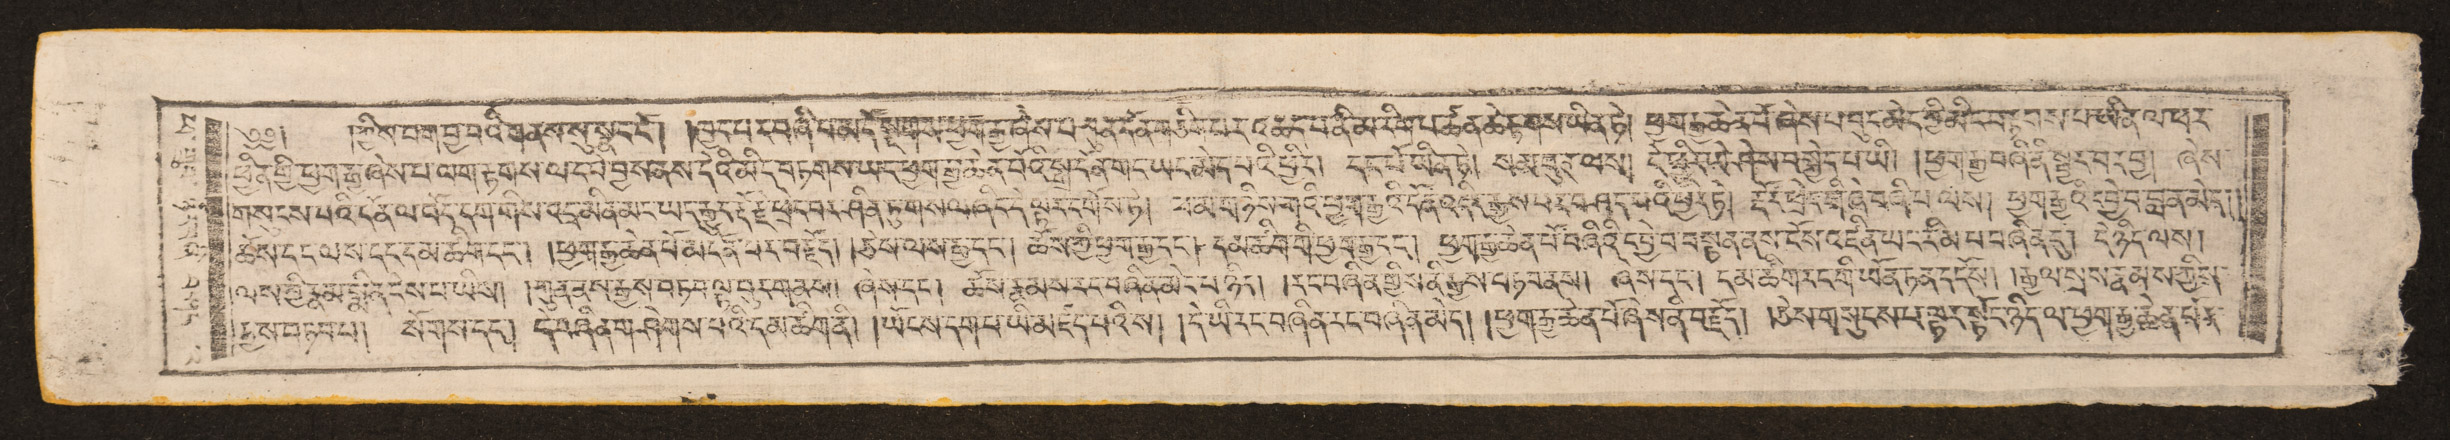༄༅། །ཀྱིས་བག་བྱ་བའི་གནས་སུ་སྣང་ངོ། །ཁྱད་པར་བཞི་པ་མདོ་སྔགས་ཕྱག་རྒྱ་ཞེས་པ་ཀུན་དོན་གཅིག་པར་འཆད་པ་ནི་མ་རིག་པ་ཚན་ཆེ་རྟགས་ཡིན་ཏེ། ཕྱག་རྒྱ་ཆེན་པོ་ཞེས་པ་བུད་མེད་ཀྱི་མིང་བརྟགས་པ་ཡིན་ལ་ཕར་
ཕྱིན་གྱི་ཕྱག་རྒྱ་ཞེས་པ་ལག་རྟགས་ལ་དཔེ་བྱས་ནས་དེའི་མིང་བཏགས་ཡང་ཕྱག་རྒྱ་ཆེན་པོའི་སྒྲ་དོན་གང་ཡང་མེད་པའི་ཕྱིར། དང་པོ་ཡིན་ཏེ། སམ་བུ་ཊ་ལས། དེ་ཕྱིར་ཡེ་ཤེས་བསྐྱེད་པ་ཡི། །ཕྱག་རྒྱ་བཞི་ནི་སྦྱར་བར་བྱ། ཞེས་
གསུངས་པའི་དོན་ལ་བོད་དག་གིས་འདྲ་མིན་མང་ཡང་རྒྱུད་རྡོ་རྗེ་ཕྲེང་བར་ཤིན་ཏུ་གསལ་ཞིང་དེ་ལྟར་དགོས་ཏེ། ཕ་མ་གཉིས་ཀའི་ཕྱག་རྒྱའི་དོན་འདིར་རྒྱས་པར་བཤད་པའི་ཕྱིར་ཏེ། རྡོར་ཕྲེང་གི་ཞེ་བཞི་པ་ལས། ཕྱག་རྒྱའི་དབྱེ་བ་བླ་ན་མེད། །
ཆོས་དང་ལས་དང་དམ་ཚིག་དང་། །ཕྱག་རྒྱ་ཆེན་པོ་མངོན་པར་བརྗོད། །ཅེས་ལས་རྒྱ་དང་། ཆོས་ཀྱི་ཕྱག་རྒྱ་དང་། དམ་ཚིག་གི་ཕྱག་རྒྱ་དང་། ཕྱག་རྒྱ་ཆེན་པོ་བཞིའི་དབྱེ་བ་བསྟན་ནས་ངོས་འཛིན་ཡང་རིམ་པ་བཞིན་དུ། དེ་ཉིད་ལས།
ལས་ཀྱི་རྣམ་སྨིན་ངེས་པ་ཡིས། །ཀུན་ནས་རྒྱས་བཏབ་ལྟ་བུར་གནས། ཞེས་དང་། ཆོས་རྣམས་རང་བཞིན་མེད་པ་ཉིད། །རང་བཞིན་གྱིས་ནི་རྒྱས་བཏབ་ནས། ཞེས་དང་། དམ་ཚིག་རང་གི་ཡོན་ཏན་དངོས། །རྒྱལ་སྲས་རྣམས་ཀྱིས་
རྒྱས་བཏབ་པ། སོགས་དང་། དེ་བཞིན་གཤེགས་པའི་དམ་ཚིག་ནི། །ཡོངས་དག་པ་ཡི་མཛད་པའི་ས། །དེ་ཡི་རང་བཞིན་རང་བཞིན་མེད། །ཕྱག་རྒྱ་ཆེན་པོ་ཞེས་ནི་བརྗོད། །ཅེས་གསུངས་པ་ལྟར་སྟོང་ཉིད་ལ་ཕྱག་རྒྱ་ཆེན་པོར་